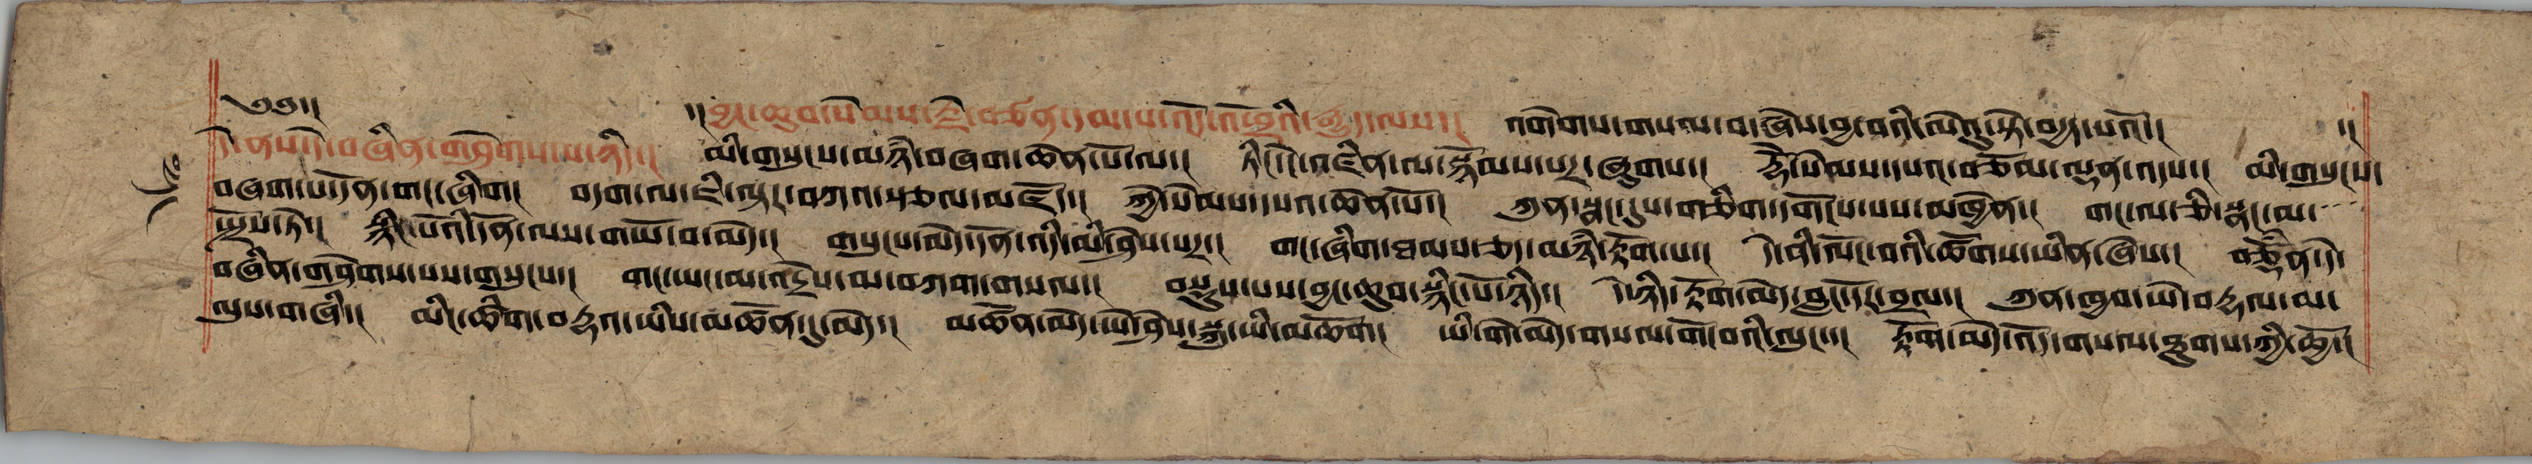༄༅་། ་།བྱང་ཆུབ་སེམས་རྗེ་བཙན་དམ་པ་འོད་འཕྲོའི་རྒྱུད་ལས་། འགེགས་གསལ་བ་ཞེས་བྱ་བའི་ལེའུ་སྟེ་བདྱད་པའོ་། ་།
དེ་ནས་དེ་བཞིན་གཤེགས་པ་ཉིད་། མི་གསུངས་མཉཾ་བཞག་ཆེན་པོ་ལ་། ཏིང་ངེ་འཛིན་ལ་སྙོམས་པར་ཞུགས་། རྡོེ་སེམས་དཔའ་བཅོམ་ལྡན་འདས་། མི་གསུངས་
བཞག་པ་དོན་གང་ཞིག། བདག་ལ་ཇི་ལྟར་བཀའ་སྩལ་མཛོད་། ཀྱེ་སེམས་དཔའ་ཆེན་པོ་། ཀུན་སྣང་དུས་གཅིག་དགོངས་པས་མཁྱེན་། གང་ལ་ཅི་སྣང་མ་
སྤྲོས་ཏེ་། སྙིང་པོའི་དོན་ལས་གཡོ་བ་མེད་། གསུངས་མེད་དོན་འདི་མི་ཤེས་པར་། གང་ཞིག་ཐམས་ཅད་མཉཾ་རྟོག་པ་། དེ་ནི་ལོང་བའི་ཚོགས་ཡིན་ཞེས་། བཅྡོཾན་དེ་
བཞིན་གཤེགས་པས་གསུངས་། གང་ཡང་མ་འདྲེས་མ་བཀག་གསལ་། བསྡུས་པས་བྱང་ཆུབ་སྙིང་པོ་ཉིད་། དེ་ཉིད་རྟོག་མེད་བླང་དོར་བྲལ་། ཀུན་ཁྱབ་ཡེ་བརྡལ་མ་
ལུས་གཞི་། མིང་ཚིག་བརྡའ་ཡིས་མཚོན་དུ་མེད་། མཚོན་མེད་ཡེ་ཤེས་སྐུ་ཡི་མཆོག། ཡི་གེ་མེད་གསལ་གོ་བའི་ལུང་་། རྟོག་མེད་འོད་གསལ་ཐུགས་ཀྱི་ཆྱོ་།